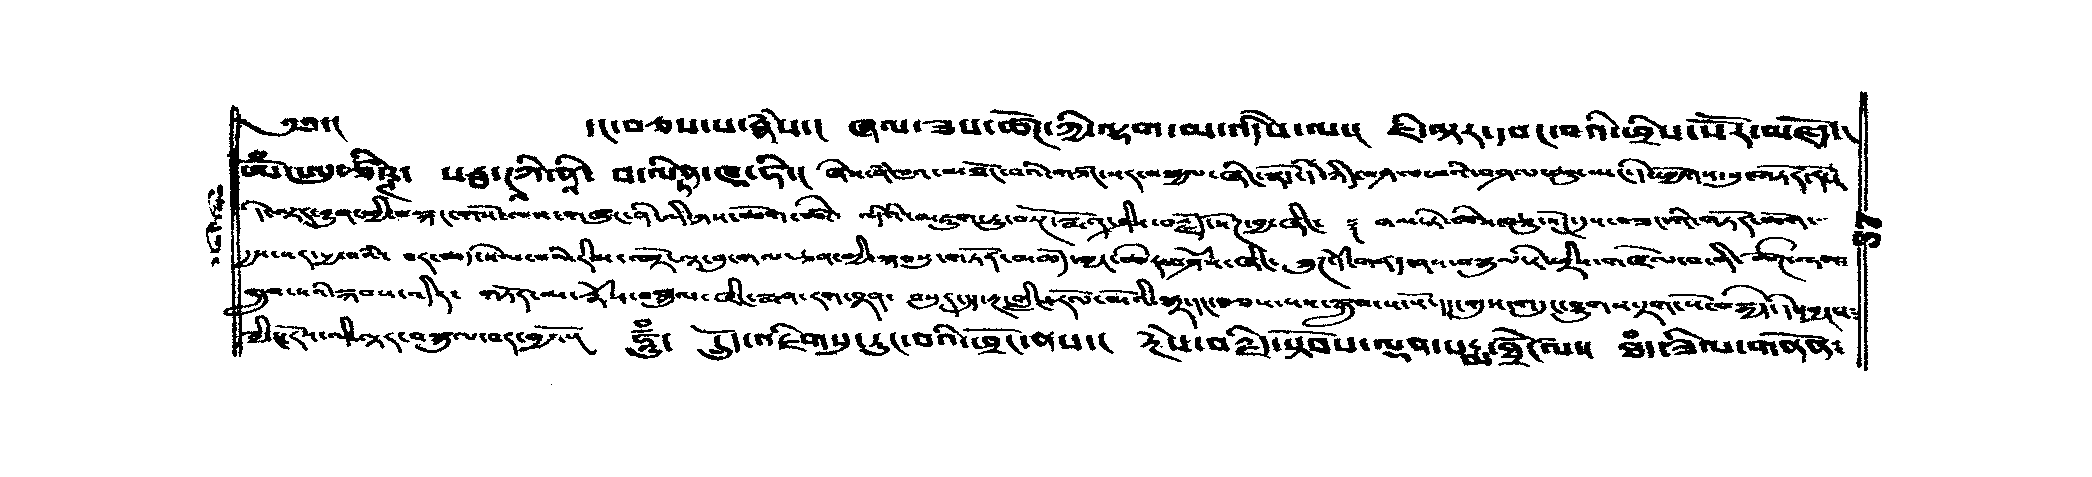དང་བཅས་པ་རྣམས། །ཞལ་ཟས་ཚོགས་ཀྱི་ལྷག་མ་འདི་བཞེས་ལ། །ཇི་ལྟར་དབང་བའི་ཕྲིན་ལས་སོ་སོར་མཛོད། །
ཨོྃ་ཨཱ་ཙིཥྚ། སརྦ་ཌཱ་ཀི་ནི། བ་ལིནྟ་ཁཱ་ཧི། ཞེས་ནམ་མཁའ་མཐོང་བའི་གཙང་སར་བསྐྱལ་ཞིང་སྣོད་དེ་ཉིད་བཤལ་བའི་བཤལ་ཆུ་ཡང་དེ་ཕྱོགས་སུ་གཏོར་རོ།
དེ་ལྟར་རྒྱུན་གྱི་བསྐང་གསོ་ལས་གཞུང་ནི་འདི་ཀས་ཆོག་ཚེ། འདིའི་མཇུག་ཏུ་བསྔོ་སྨོན་ཤིས་བརྗོད་སོགས་བྱ་ཞིང་། ༈ གལ་ཏེ་ཚེས་བཅུ་སོགས་དུས་བཟང་གི་གཏོར་ཆོག་
རྒྱས་པར་བྱ་བའམ། བར་ཆད་སེལ་བའི་རིམ་འགྲོ་ལྟ་བུ་གལ་ཆེན་གྱི་སྐབས་སུ་གཏོར་མཆོད་ཀྱང་ཆེར་བཤམས་ཞིང་། ༈ གལ་ཏེ་ཚེས་བཅུ་སོགས་དུས་བཟང་གི་གཏོར་ཆོག་
སྒྲུབ་པའི་སྐབས་འདིར། གཏོར་མ་རྣམས་བསྐུལ་ཞིང་སྨན་རག་བྲན། བསུར་དུད་རྔ་གླིང་རོལ་མོའི་སྒྲ་དངབཅས་པསལསྒྲུབ་པ་པོ་དད་གུས་གདུང་ཤུགས་དྲག་པོ་བསྐྱེད་དེ་དབྱངས་
ཀྱི་ང་རོས་འདི་ལྟར་བསྐུལ་བར་བྱའོ། ཧཱུྃ། དུར་ཁྲོད་འཇིགས་སུ་རུང་བའི་ཕོ་བྲང་ནས། །རྔམས་བརྗིད་སྟོབས་ལྡན་པདྨ་ཐོད་ཕྲེང་རྩལ། །ཐམས་ཅད་ཟིལ་གནོན་